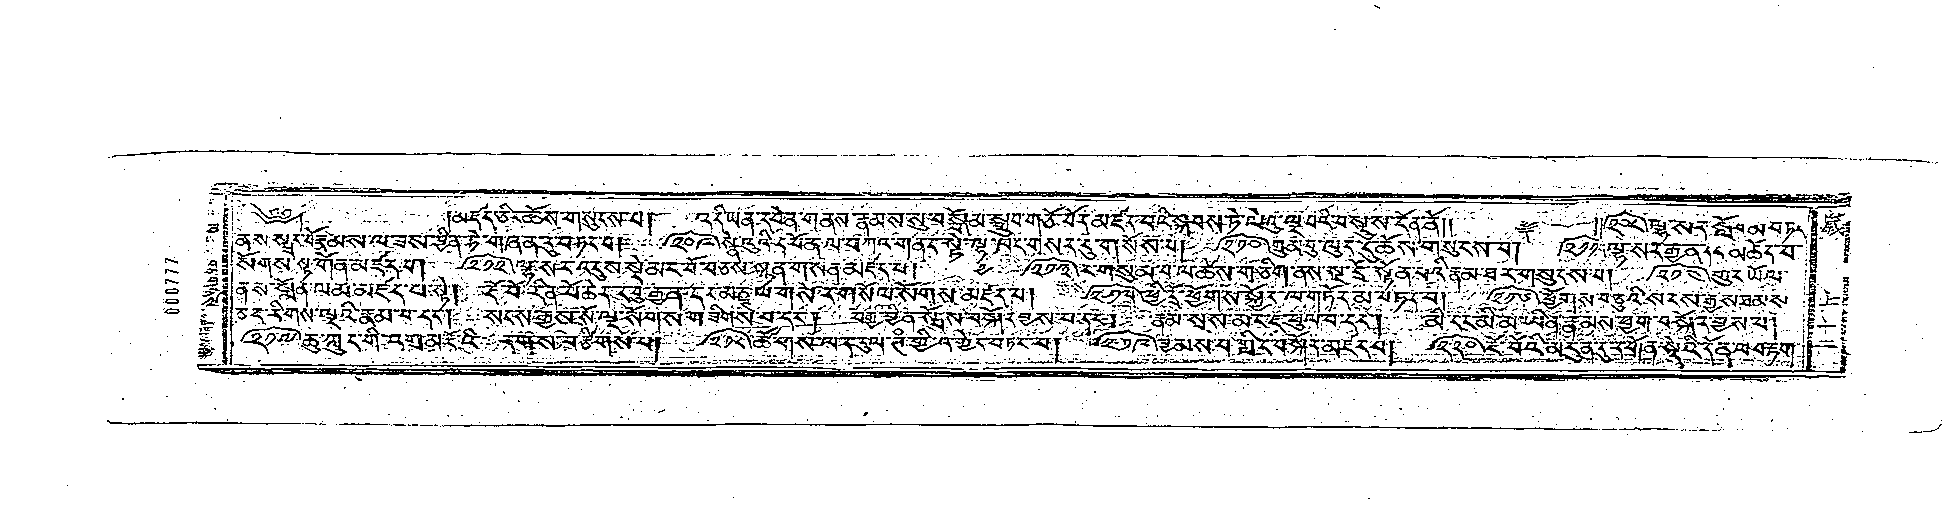༄༅། །མཛད་ཅིང་ཆོས་གསུངས་པ། འདི་ཡན་དབེན་གནས་རྣམས་སུ་བསྒོམ་སྒྲུབ་གཙོ་བོར་མཛད་པའི་སྐབས་ཏེ་ལེའུ་ལྔ་པའི་བསྡུས་དོན་ནོ།། ༈ ༦?་།༢༠༨?་ལྷ་སར་སློབ་མ་བཏང་
ནས་སྤྲང་པོ་རྣམས་ལ་ཟས་བྱིན་ཏེ་གཞན་དུ་བཏང་བ། ༼༢༠༩?་སྣེའུ་འི་དཔོན་ལ་བཀའ་གནང་སྟེ་ལྷ་ཁང་གསར་དུ་གསོས་པ། ༽༢༡༠?་གྲུམ་བུ་ལུང་དུ་ཆོས་གསུངས་བ། ༢༡༡?་ལྷ་སར་རྒྱན་དང་མཆོད་པ་
སོགས་སྟ་གོན་མཛད་པ། ༼༢༡༢?་ལྷ་སར་འདུས་སྡེ་མང་བོ་བཅས་སྙན་གསན་མཛད་པ། ༧་༽༢༡༣?་ང་གསུམ་པ་ལ་ཚེས་གཅིག་ནས་སྔ་དྲོ་སྟོན་པའི་རྣམ་ཐར་གསུངས་པ། ༢༡༤?་གུང་ཡོལ་
ནས་སྨོན་ལམ་མཛད་པ་སྟེ། ཇོ་བོ་རིན་པོ་ཆེར་དབུ་རྒྱན་དང་མཎྜལ་གསེར་གསོལ་སོགས་མཛད་པ། ༼༢༡༥?་ཕྱི་དྲོ་ཕྱོགས་སྐྱོང་ལ་གཏོར་མ་བཏང་བ། ༽༢༡༦?་ཕྱོགས་བཅུའི་སངས་རྒྱས་ཐམས་
ཅད་རིགས་ལྔའི་རྣམ་པ་དང་། སངས་རྒྱས་སོ་ལྔ་སོགས་གཟིགས་པ་དང་། བརྒྱ་བྱིན་སྤོས་བསྐོར་བྱས་པ་དང་། རྣམ་སྲས་མང་ཇ་ཕུལ་བ་དང་། མི་དང་མི་མ་ཡིན་རྣམས་ཕྱག་བསྐོར་བྱས་པ།
༼༢༡༧?་ཆུ་ཀླུང་གི་འགྲམ་རྡོའི་རགས་བརྩིགས་པ། ༽༢༡༨?་ཚོགས་ལ་དངུལ་ཊཾ་གྱི་འགྱེད་བཏང་བ། ༼༢༡༩?་བྱམས་པ་གླིང་བསྐོར་མཛད་བ། ༽༢༢༠?་ཇོ་བོའི་མདུན་དུ་དགོན་སྡེའི་དོན་ལ་བརྟག་